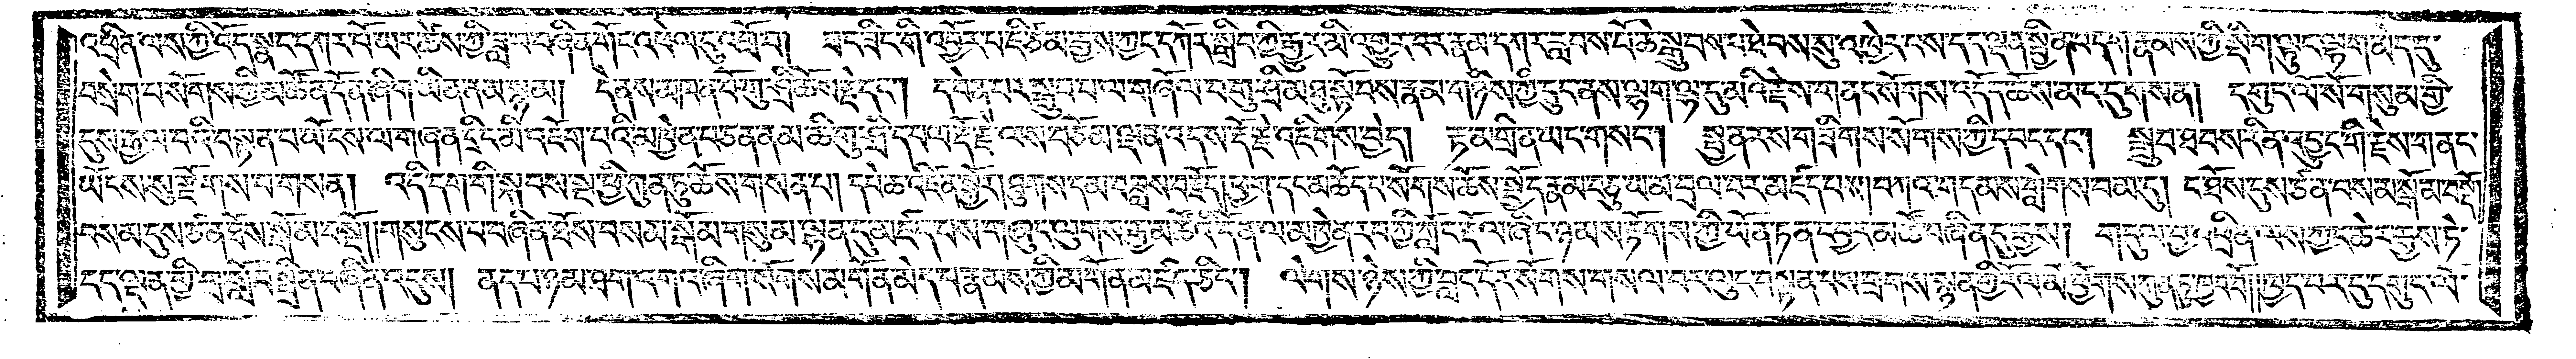འཕྲིན་ལས་ཀྱི་འོད་སྣང་དཀར་པོ་ཡར་ཚེས་ཀྱི་ཟླ་བ་བཞིན་གོང་འཕེལ་དུ་འགྲོ་བ། ཟང་ཟིང་གི་འབྱོར་པ་ཇི་ཙམ་རྒྱས་ཀྱང་དཀོར་སྒྲིབ་ཀྱི་རྒྱུར་མི་འགྱུར་བར་རྣམ་དཀར་རླབས་པོ་ཆེ་སྒྲུབས་པ་ཐེབས་སུ་འཁྱེར་བས་དད་ལྡན་སྦྱིན་བདག་རྣམས་ཀྱི་སྡིག་ལྟུང་ལྷག་མེད་དུ་
བསྲེག་པ་སོགས་ཀྱི་མཚོན་དོན་ཞིག་ཡིན་ནམ་སྙམ། དེ་ནས་མཁན་པོ་གྲུ་ཤྲི་ཆོས་རྗེ་དང་། དབེན་པར་སྒྲུབ་པ་ལ་གཞོལ་བགུ་ཤྲི་མཐུ་སྟོབས་རྣམ་གཉིས་ཀྱི་དྲུང་ནས་ལྷག་ལྷ་དུ་མའི་རྗེས་གནང་སོགས་འདོད་ཆོས་མང་དུ་གསན། དགུང་ལོ་སོ་གསུམ་གྱི་
དུས་རྒྱལ་བའི་བསྟན་པ་ཡོངས་ལ་གཞན་དྲིང་མི་འཇོག་པའི་མཁྱེན་པ་ཅན་ནམ་ཆི་གུ་ཤྲི་དཔལ་རྡོ་རྗེ་ལས་བཅོམ་ལྡན་འདས་རྡོ་རྗེ་འཇིགས་བྱེད། རྟ་མགྲིན་ཡང་གསང་། སྤྱན་རས་གཟིགས་སོགས་ཀྱི་དབང་དང་། སྒྲུབ་ཐབས་རིན་འབྱུང་གི་རྗེས་གནང་
ཡོངས་སུ་རྫོགས་པ་གསན། འདི་དག་གི་སྐབས་སྔ་ཕྱི་ཀུན་ཏུ་ཆོས་གསན་པ། དཔེ་ཆ་འཛིན་སྐྱོར། ཐུགས་དམ་བཟླས་བརྗོད། ཕྱག་དང་མཆོད་པ་སོགས་ཆོས་སྤྱོད་རྣམ་བཅུ་ཡ་མ་བྲལ་བར་མཛད་པས། བཀའ་གདམས་གླེགས་བམ་དུ། ང་ཐོས་དུས་ཙ་ན་བསམ་བསྒོམ་བསྔོ་
བསམ་དུས་ཙན་ཐོས་སྒོམ་བསྔོ། །གསུངས་པ་བཞིན་ཐོས་བསམ་སྒོམ་གསུམ་ལྷན་དུ་མཛད་པས་གཞུང་ལུགས་རྒྱ་མཚོའི་དོན་ལ་མཁྱེན་རབ་ཀྱི་ཀློང་རྡོལ་ཞིང་ཉམས་རྟོགས་ཀྱི་ཡོན་ཏན་དབྱར་མཚོ་བཞིན་དུ་རྒྱས། གདུལ་བྱ་འཕྲིན་ལས་ཀྱང་ཆེར་རྒྱས་ཏེ་
དད་ལྡན་གྱི་གྲ་སློབ་སྤྲིན་བཞིན་འདུས། ནད་པ་ཉམ་ཐག་འགའ་ཞིག་སོགས་མགོན་མེད་པ་རྣམས་ཀྱི་མགོན་མཛད་ཅིང་། ལེགས་ཉེས་ཀྱི་བླང་དོར་སོགས་གསལ་བར་ལུང་བསྟན་པས་གྲགས་སྙན་གྱི་རོལ་མོ་ཕྱོགས་ཀུན་ཏུ་ཁྱབ་བོ། །ཁྱད་བར་དུ་དགུར་ལོ་